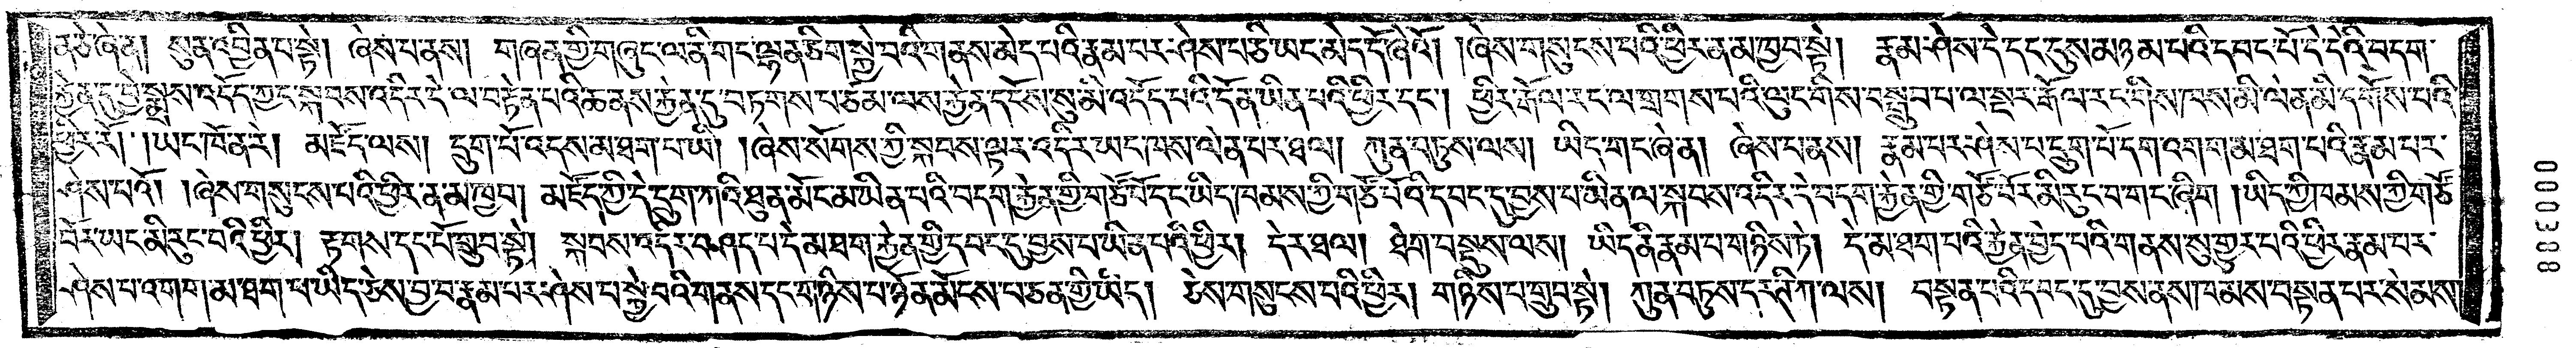ན་ཅེ་ཞེ་ན། སུན་འབྱིན་བ་སྟེ། ཞེས་པ་ནས། གཞན་གྱི་གཞུང་ལ་ནི་གང་ལྷན་ཅིག་སྐྱེ་བའི་གནས་མེད་བའི་རྣམ་པར་ཤེས་པ་ཅི་ཡང་མེད་དོ་ཞེའོ། །ཞེས་གསུངས་པའི་ཕྱིར་ནམ་ཁྱབ་སྟེ། རྣམ་ཤེས་དེ་དང་དུས་མཉམ་པའི་དབང་པོ་དེ་དེའི་བདག་
རྐྱེན་དུ་བྱེ་སྨྲ་མ་འདོད་ཀྱང་སྐབས་འདིར་དེ་ལ་བརྟེན་པའི་ཆ་ནས་རྐྱེན་དུ་བཏགས་པ་ཙམ་ལས་རྐྱེན་དངོས་སུ་མི་འདོད་པའི་དོན་ཡིན་པའི་ཕྱིར་དང་། ཕྱིར་རྒོལ་རང་ལ་གྲགས་པའི་ལུང་གིས་བསྒྲུབ་པ་ལ་སྔར་རྒོལ་རང་གིས་ཁས་མི་ལེན་མི་དགོས་པའི་
ཕྱིར་རོ། །ཡང་ཁོ་ན་རེ། མཛོད་ལས། དྲུག་པོ་འདས་མ་ཐག་པ་ཡི། །ཞེས་སོགས་ཀྱི་སྐབས་ལྟར་འདིར་ཡང་ཁས་ལེན་པར་ཐལ། ཀུན་བཏུས་ལས། ཡིད་གང་ཞེ་ན། ཞེས་པ་ནས། རྣམ་པར་ཤེས་ཕ་དྲུག་པོ་དག་འགག་མ་ཐག་པའི་རྣམ་པར་
ཤེས་པའོ། །ཞེས་གསུངས་པའི་ཕྱིར་ན་མ་ཁྱབ། མཛོད་ཀྱི་དེ་དྲུག་ཀའི་ཐུན་མོང་མ་ཡིན་པའི་བདག་རྐྱེན་གྱི་གཙོ་བོ་དང་ཡིད་ཁམས་ཀྱི་གཙོ་བོའི་དབང་དུ་བྱས་པ་ཡིན་ལ་སྐབས་འདིར་དེ་བདག་རྐྱེན་གྱི་གཙོ་བོར་མི་རུང་བ་གང་ཞིག །ཡིད་ཀྱི་ཁམས་ཀྱི་གཙོ་
བོར་ཡང་མི་རུང་བའི་ཕྱིར། རྟགས་དང་པོ་གྲུབ་སྟེ། སྐབས་འདིར་བཤད་པ་དེ་མ་ཐག་རྐྱེན་གྱི་དབང་དུ་བྱས་པ་ཡིན་པའི་ཕྱིར། དེར་ཐལ། ཐེག་བསྡུས་ལས། ཡིད་ནི་རྣམ་པ་གཉིས་ཏེ། དེ་མ་ཐག་པའི་རྐྱེན་བྱེད་པའི་གནས་སུ་གྱུར་པའི་ཕྱིར་རྣམ་བར་
ཤེས་བ་འགག་མ་ཐག་པ་ཡིད་ཅེས་བྱ་བ་རྣམ་བར་ཤེས་བ་སྐྱེ་བའི་གནས་དང་གཉིས་པ་ཉོན་མོངས་པ་ཅན་གྱི་ཡིད། ཅེས་གསུངས་བའི་ཕྱིར། གཉིས་པ་གྲུབ་སྟེ། ཀུན་བཏུས་དར་ཊིཀ་ལས། བསྟན་པའི་དབང་དུ་བྱས་ནས་ཁམས་བསྟན་པར་སེམས་